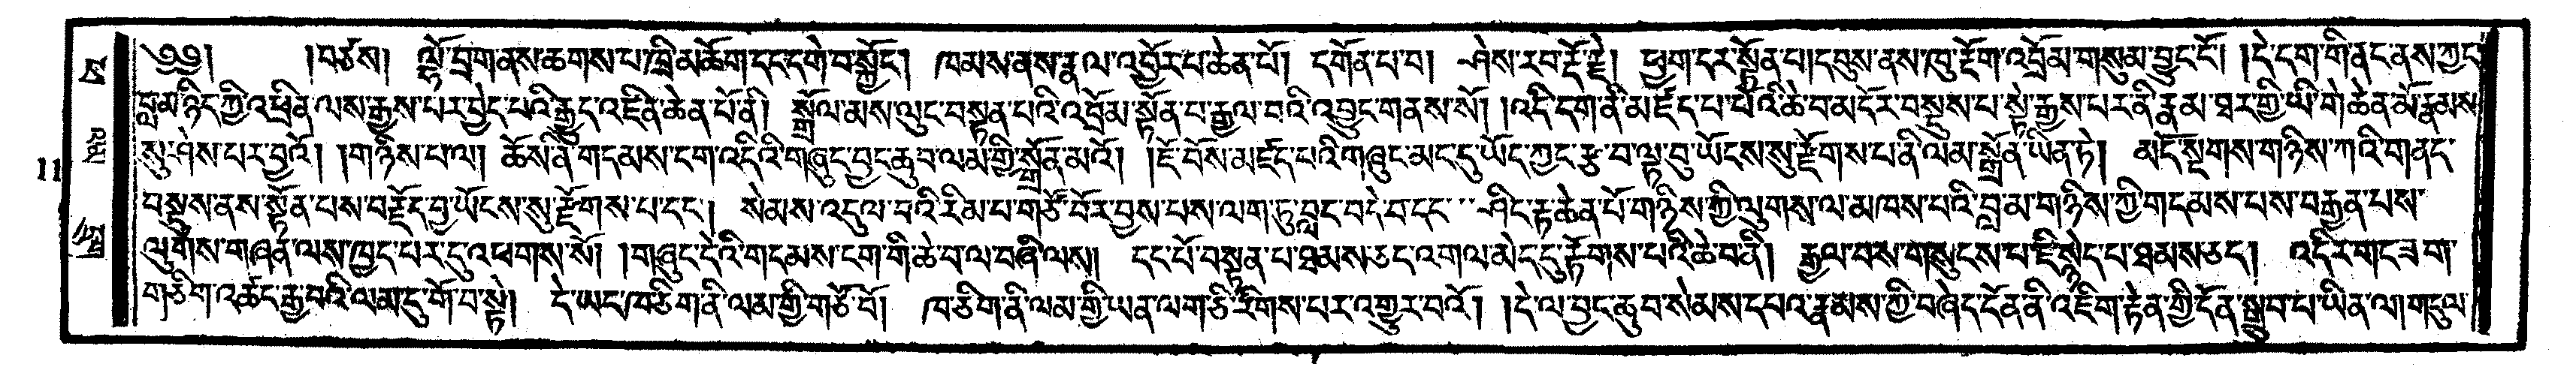༄༅། །བཙས། ལྷོ་བྲག་ནས་ཆགས་པ་ཁྲི་མཆོག་དང་དགེ་བ་སྐྱོང་། ཁམས་ནས་རྣལ་འབྱོར་པ་ཆེན་པོ། དགོན་པ་བ། ཤེས་རབ་རྡོ་རྗེ། ཕྱག་དར་སྟོན་པ། དབུས་ནས་ཁུ་རྡོག་འབྲོམ་གསུམ་བྱུང་ངོ། །དེ་དག་གི་ནང་ནས་ཀྱང་
བླ་མ་ཉིད་ཀྱི་འཕྲིན་ལས་རྒྱས་པར་བྱེད་པའི་རྒྱུད་འཛིན་ཆེན་པོ་ནི། སྒྲོལ་མས་ལུང་བསྟན་པའི་འབྲོམ་སྟོན་པ་རྒྱལ་བའི་འབྱུང་གནས་སོ། །འདི་དག་ནི་མཛད་པ་པོའི་ཆེ་བ་མདོར་སྡུས་པ་སྟེ་རྒྱས་པར་ནི་རྣམ་ཐར་གྱི་ཡི་གེ་ཆེན་མོ་རྣམས་
སུ་ཤེས་པར་བྱའོ། །གཉིས་པ་ལ། ཆོས་ནི་གདམས་ངག་འདིའི་གཞུང་བྱང་ཆུབ་ལམ་གྱི་སྒྲོན་མའོ། །ཇོ་བོས་མཛད་པའི་གཞུང་མང་དུ་ཡོད་ཀྱང་རྩ་བ་ལྟ་བུ་ཡོངས་སུ་རྫོགས་པ་ནི་ལམ་སྒྲོན་ཡིན་ཏེ། མདོ་སྔགས་གཉིས་ཀའི་གནང་
བསྡུས་ནས་སྟོན་པས་བརྗོད་བྱ་ཡོངས་སུ་རྫོགས་པ་དང་།སེམས་འདུལ་བའི་རིམ་པ་གཙོ་བོར་བྱས་པས་ལག་ཏུ་བླང་བདེ་བ་དང་ཤིང་རྟ་ཆེན་པོ་གཉིས་ཀྱི་ལུགས་ལ་མཁས་པའི་བླ་མ་གཉིས་ཀྱི་གདམས་པས་བརྒྱན་པས་
ལུགས་གཞན་ལས་ཁྱད་པར་དུ་འཕགས་སོ། །གཞུང་དེའི་གདམས་ངག་གི་ཆེ་བ་ལ་བཞི་ལས། དང་པོ་བསྟན་པ་ཐམས་ཅད་འགལ་མེད་དུ་རྟོགས་པའི་ཆེ་བ་ནི། རྒྱལ་བས་གསུངས་པ་ཇི་སྙེད་པ་ཐམས་ཅད། འདིར་གང་ཟག་
གཅིག་འཚང་རྒྱ་བའི་ལམ་དུ་གོ་བ་སྟེ། དེ་ཡང་ཁ་ཅིག་ནི་ལམ་གྱི་གཙོ་བོ། ཁ་ཅིག་ནི་ལམ་གྱི་ཡན་ལག་ཅི་རིགས་པར་འགྱུར་བའོ། །དེ་ལ་བྱང་ཆུབ་སེམས་དཔའ་རྣམས་ཀྱི་བཞེད་དོན་ནི་འཇིགས་རྟེན་གྱི་དོན་སྒྲུབ་པ་ཡིན་ལ། གདུལ་